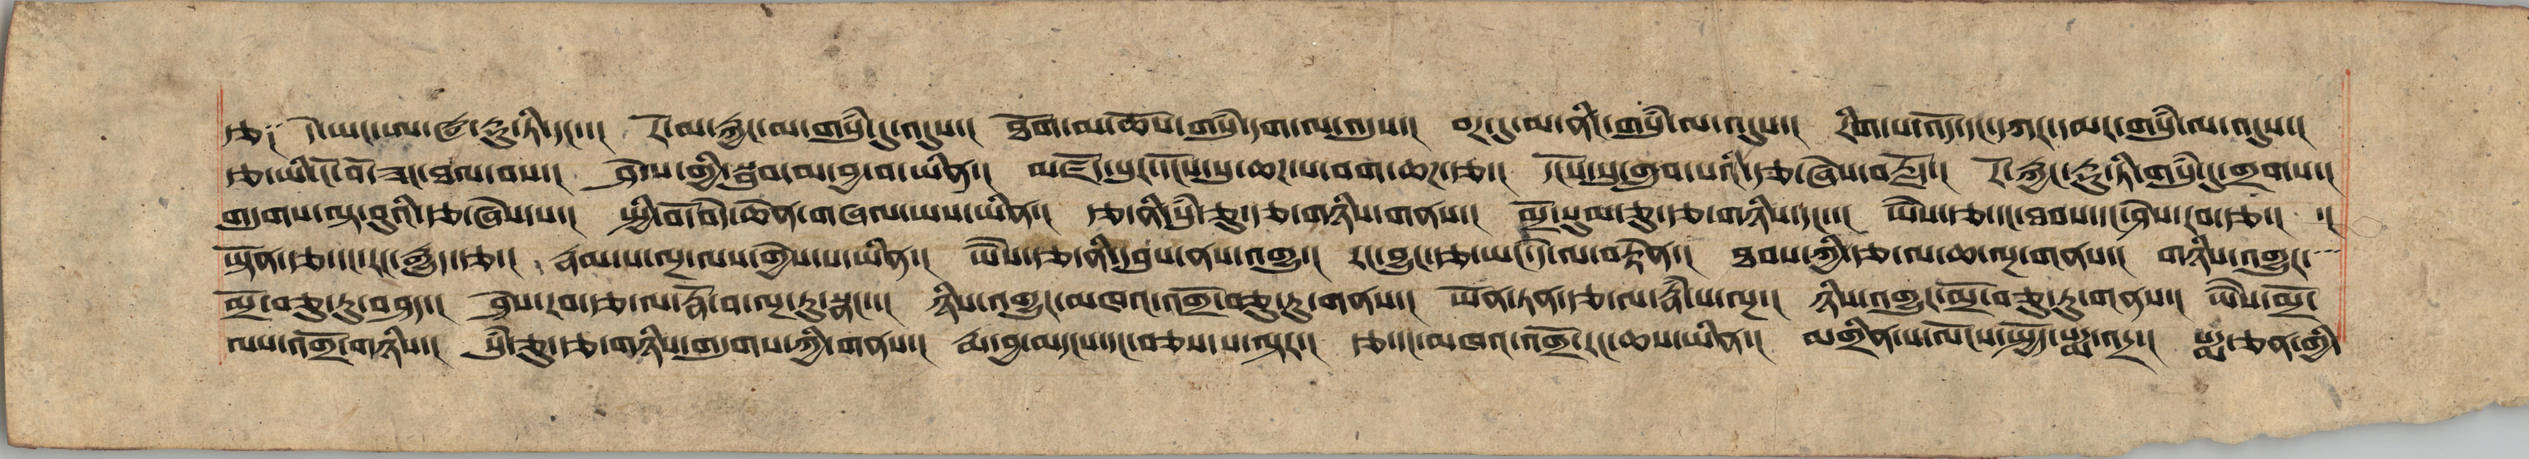རྩ༑ དེ་ཡང་ཨ་ཝ་རྡུ་ཏི་དང་་། རོ་མ་རྐྱང་མ་གསུཾ་དུ་འདུས་། ཐོག་མ་ཆོས་གསུཾ་དག་ལ་འདུས་། བར་དུ་མ་ནིང་གསུཾ་ལ་འདུས་། རིག་པ་འོད་དང་དཀར་དམར་གསུཾ་ལ་འདུས་།
རྩ་ཡི་ངོ་བོ་ཟང་ཐལ་བས་། ཤེལ་གྱི་སྦུབ་མ་བྱ་བ་ཡིན་། མཛོད་པུར་ངོས་སུ་ཆཌ་པ་བག་ཆཌ་རྩ་། དངོས་སུ་གྲུབ་པའི་རྩ་ཞེས་བརྗོད་། རོ་རྐྱང་རྡུ་ཏི་གསུཾ་དུ་གྲགས་།
གདུགས་ལྟ་བུའི་རྩ་ཞེས་པ་། སྤྱི་བཽ་བདེ་ཆེན་གཞལ་ཡས་ཡིན་། རྩ་ནི་སུཾ་ཅུ་རྩ་གཉིས་གནས་། མྲོ་སུམ་ཅུ་རྩ་གཉིས་དང་་། ཡཻས་རྩ་དང་ཐབས་དང་ཤེས་རབ་རྩ་།
ཡྟོན་རྩ་དང་རང་རྒྱུད་རྩ་། རྣམ་པ་ལྔ་ལས་གྱེས་པ་ཡིན་། ཡཻས་རྩ་ནི་དབུས་ནས་འགྱུར་། རང་བྱུང་རྩ་ཡང་དེ་ལ་བརྟེན་། ཐབས་ཀྱི་རྩ་ལ་ཆ་ལྔ་གནས་། གཉིས་འགྱུར་
མྲོ་བཅུ་རུ་བཤད་། ཤེས་རབ་རྩ་ལ་རྣོ་བ་ལྔ་རུ་སྣང་་། ཉིས་འགྱུར་མཁའ་འགྲོ་བཅུ་རུ་གནས་། ཡོན་ཏན་རྩ་ལ་རྣཾ་པ་ལྔ་། ཉིས་འགྱུར་མྲོ་བཅུ་རུ་གནས་། ཡཻས་མྲོ་
ལས་འགྲོ་གཉིས་། སུཾ་བཅུ་རྩ་གཉིས་གདུགས་ཀྱི་གནས་། རྨ་བྱ་མདངས་དང་བཅས་པ་ལྟར་། རྩ་དང་མཁའ་འགྲོ་རང་ཆས་ཡིན་། མགྲིན་པ་ལོངས་སྤྱོད་པདྨ་འདྲ་། པདྨ་ཅན་གྱི་